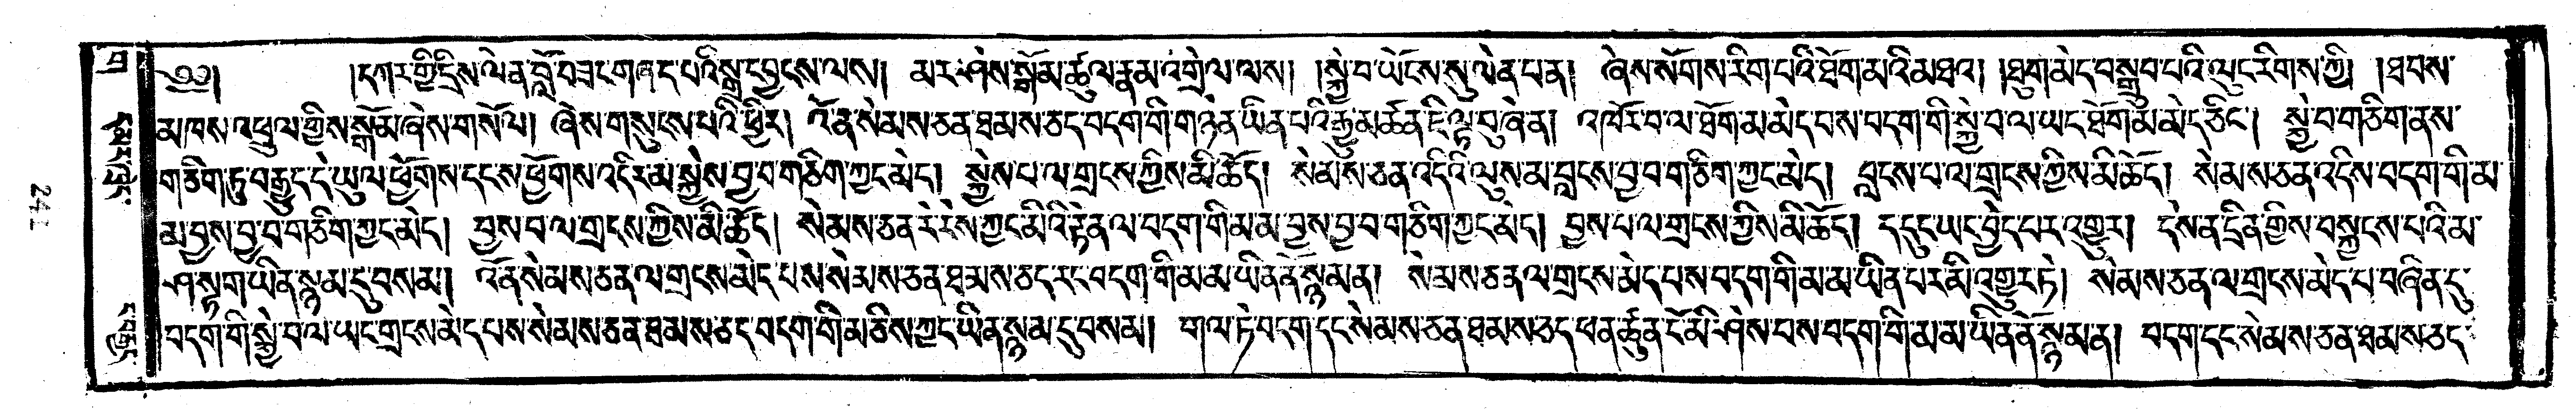༄༅། །དཀར་གྱི་དྲིས་ལེན་བློ་བཟང་གཞད་པའི་སྒྲ་དབྱངས་ལས། མར་ཤེས་སྒོམ་ཚུལ་རྣམ་འགྲེལ་ལས། །སྐྱེ་བ་ཡོངས་སུ་ལེན་པ་ན། ཞེས་སོགས་རིག་པའི་ཐོག་མའི་མཐའ། །ཐུག་མེད་བསྒྲུབ་པའི་ལུང་རིགས་ཀྱི། །ཐབས་
མཁས་འཕྲུལ་གྱིས་སྒོམ་ཞེས་གསོལ། །ཞེས་གསུངས་པའི་ཕྱིར། འོ་ན་སེམས་ཅན་ཐམས་ཅད་བདག་གི་གཉེན་ཡིན་པའི་རྒྱུ་མཚན་ཇི་ལྟ་བུ་ཞེ་ན། འཁོར་བ་ལ་ཐོག་མ་མེད་པས་བདག་གི་སྐྱེ་བ་ལ་ཡང་ཐོག་མ་མེད་ཅིང་། སྐྱེ་བ་གཅིག་ནས་
གཅིག་ཏུ་བརྒྱུད་དེ་ཡུལ་ཕྱོགས་དང་ས་ཕྱོགས་འདིར་མ་སྐྱེས་བྱ་བ་གཅིག་ཀྱང་མེད། སྐྱེས་པ་ལ་གྲངས་ཀྱིས་མི་ཆོད། སེམས་ཅན་འདིའི་ལུས་མ་བླངས་བྱ་བ་གཅིག་ཀྱང་མེད། བླངས་པ་ལ་གྲངས་ཀྱིས་མི་ཆོད། སེམས་ཅན་འདིས་བདག་གི་མ་
མ་བྱས་བྱ་བ་གཅིག་ཀྱང་མེད། བྱས་བ་ལ་གྲངས་ཀྱིས་མི་ཆོད། སེམས་ཅན་རེ་རེས་ཀྱང་མིའི་རྟེན་ལ་བདག་གི་མ་མ་བྱས་བྱ་བ་གཅིག་ཀྱང་མེད། བྱས་པ་ལ་གྲངས་ཀྱིས་མི་ཆོད། ད་དུང་ཡང་བྱེད་པར་འགྱུར། དེས་ན་དྲིན་གྱིས་བསྐྱངས་པའི་མ་
ཤ་སྟག་ཡིན་སྙམ་དུ་བསམ། འོ་ན་སེམས་ཅན་ལ་གྲངས་མེད་པས་སེམས་ཅན་ཐམས་ཅད་རང་བདག་གི་མ་མ་ཡིན་ནོ་སྙམ་ན། སེམས་ཅན་ལ་གྲངས་མེད་པས་བདག་གི་མ་མ་ཡིན་པར་མི་འགྱུར་ཏེ། སེམས་ཅན་ལ་གྲངས་མེད་པ་བཞིན་དུ་
བདག་གི་སྐྱེ་བ་ལ་ཡང་གྲངས་མེད་པས་སེམས་ཅན་ཐམས་ཅད་བདག་གི་མ་ཅིས་ཀྱང་ཡིན་སྙམ་དུ་བསམ། གལ་ཏེ་བདག་དང་སེམས་ཅན་ཐམས་ཅད་ཕན་ཚུན་ངོ་མི་ཤེས་པས་བདག་གི་མ་མ་ཡིན་ནོ་སྙམ་ན། བདག་དང་སེམས་ཅན་ཐམས་ཅད་